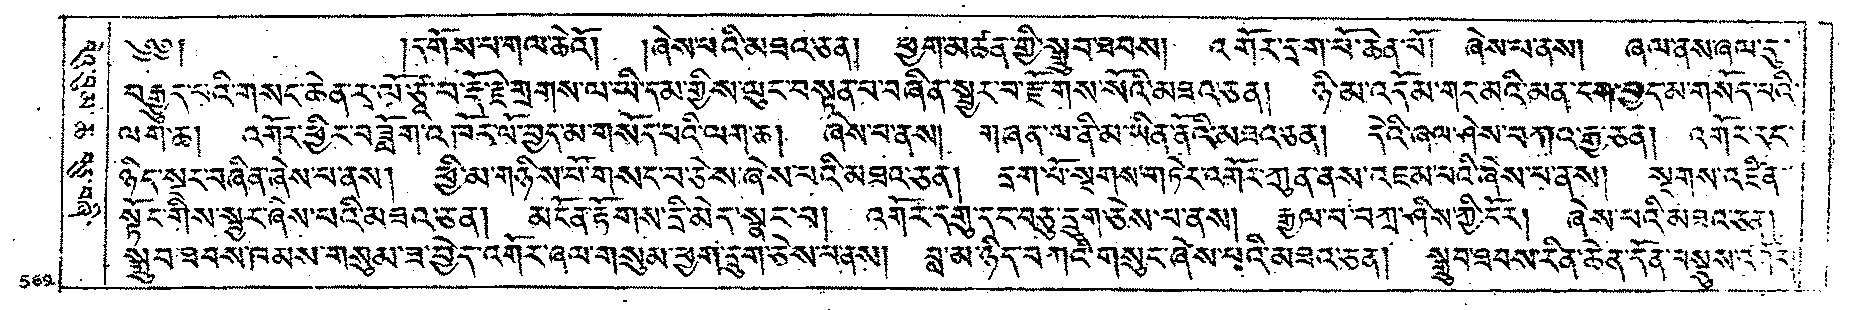༄༅། །དགོས་པ་གལ་ཆེའོ། །ཞེས་པའི་མཐའ་ཅན། ཕྱག་མཚན་གྱི་སྒྲུབ་ཐབས། འགོར་དྲག་པོ་ཆེན་པོ། ཞེས་པ་ནས། ཞལ་ནས་ཞལ་དུ་
བརྒྱུད་པའི་གསང་ཆེན་རྭ་ལོ་ཙཱ་བ་རྡོ་རྗེ་གྲགས་ལ་ཡི་དམ་གྱིས་ལུང་བསྟན་པ་བཞིན་སྦྱར་བ་རྫོགས་སོའི་མཐའ་ཅན། ཉི་མ་འདོམ་གང་མའི་མན་ངག་བྱད་མ་གསོད་པའི་
ལག་ཆ། འགོར་ཕྱིར་བཟློག་འཁོར་ལོ་བྱད་མ་གསོད་པའི་ལག་ཆ། ཞེས་པ་ནས། གཞན་ལ་ནི་མ་ཡིན་ནོའི་མཐའ་ཅན། དེའི་ཞལ་ཤེས་བཀའ་རྒྱ་ཅན། འགོར་རང་
ཉིད་སྔར་བཞིན་ཞེས་པ་ནས། ཕྱི་མ་གཉིས་པོ་གསང་བ་ཅེས་ཞེས་པའི་མཐའ་ཅན། དྲག་པོ་སྔགས་གཏེར་འགོར་ཀུན་ནས་འཇམ་པའི་ཞེས་པ་ནས། སྔགས་འཛིན་
སྟོང་གིས་སྦྱར་ཞེས་པའི་མཐའ་ཅན། མངོན་རྟོགས་དྲི་མེད་སྣང་བ། འགོར་དགུ་དང་བཅུ་དྲུག་ཅེས་པ་ནས། རྒྱལ་བ་བཀྲ་ཤིས་ཀྱི་ངོར། ཞེས་པའི་མཐའ་ཅན།
སྒྲུབ་ཐབས་ཁམས་གསུམ་ཟ་བྱེད་འགོར་ཞལ་གསུམ་ཕྱག་དྲུག་ཅེས་པ་ནས། བླ་མ་ཉིད་བཀའི་གསུང་ཞེས་པའི་མཐའ་ཅན། སྒྲུབ་ཐབས་རིན་ཆེན་དོན་བསྡུས་འགོར།